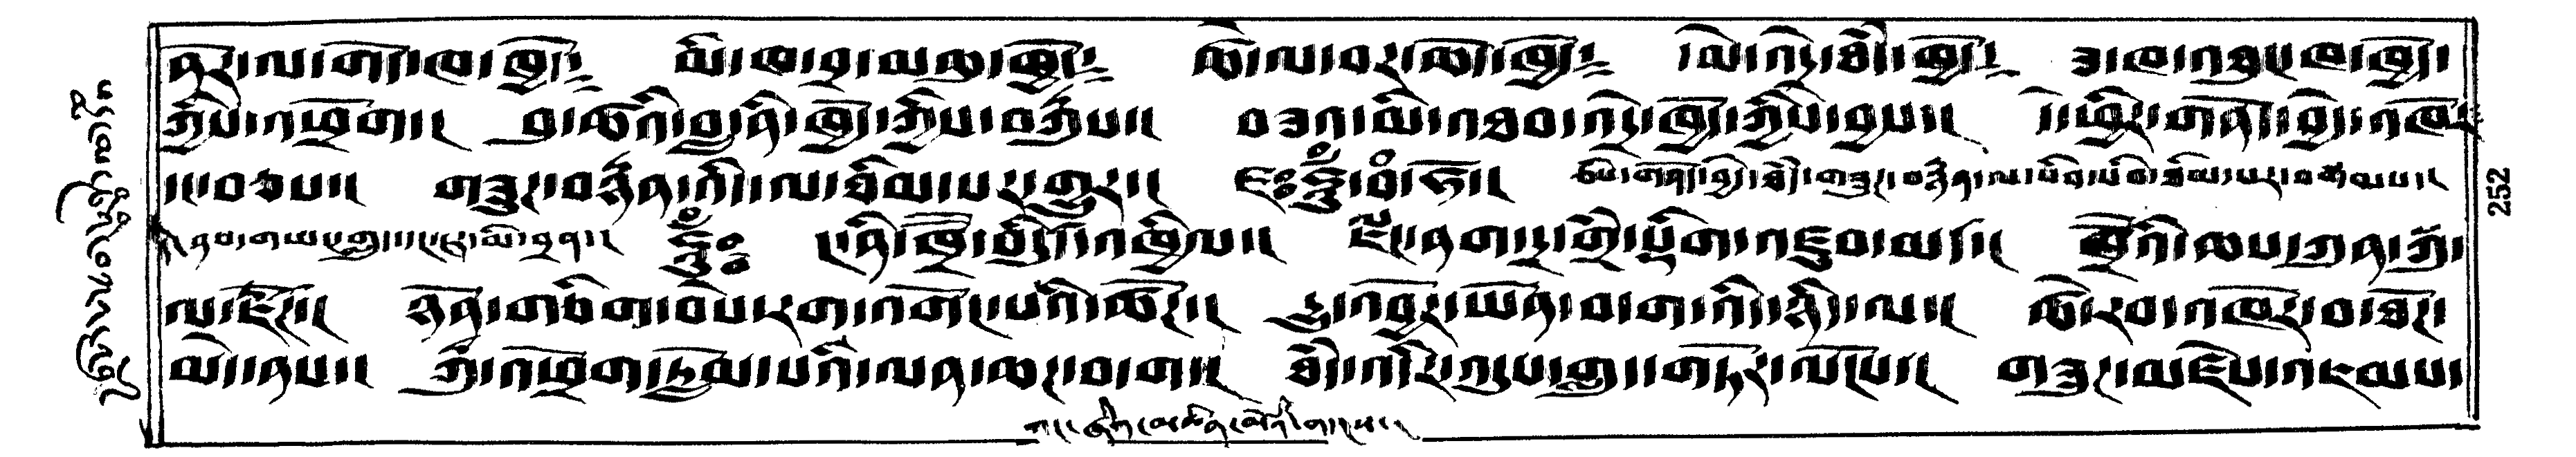ནོར་ལ་གོད་ཁ་ཁྱོད༴ མི་ཁ་བྲ་མཆུ་ཁྱོད༴ ཚེ་ལ་བར་ཆོད་ཁྱོད༴ དམེ་འདྲེ་ཐམས་ཅད་ཁྱོད༴ ཟ་ཁ་འཐུང་ཁ་ཁྱོད་
ཀྱིས་འཕྲོག །བུ་ཚའི་བླ་ནི་ཁྱོད་ཀྱིས་བརྐུས། །བཟའ་མི་འཐབ་འདྲེ་ཁྱོད་ཀྱིས་བྱས། །དེ་ཕྱིར་གནོད་བྱེད་འཁོར་
དང་བཅས། །གཟུགས་བརྙན་འདི་ལ་ཐིམ་པར་གྱུར།། ཛཿཧཱུྃ་བཾ་ཧོ། 
ཞེས་གནོད་བྱེད་ཐམས་ཅད་གཟུགས་བརྙན་ལ་སིབ་སིབ་ཐིམ་པར་བསྒོམ་སྟེ། ནས་གཡང་གླུད་དང་ངར་མི་བྲན། ཧཱུྃ༔ ང་ནི་ཁྲོ་བོ་བདུད་རྩི་འཁྱིལ། །ལྗང་ནག་རྒྱ་གྲམ་སྡིག་འཛུབ་མཛད། །ཁྲོ་བོའི་ཆས་ཀུན་སྐུ་
ལ་རྫོགས། །ཉོན་གཅིག་བསེ་རག་འགོངས་པོའི་ཚོགས། །རྒྱུ་འབྱོར་ཡོན་བདག་འདི་ཉིད་ལ། །ཚེ་རབས་འཁོར་བ་ཐོག་
མེད་ནས། སྐུ་འཕྲོག་རློམ་པའི་ལན་ཆགས་དག །ཐམས་ཅད་འདིར་འདུས་གླུད་གཏོར་ལོངས། །གཟུགས་མཛེས་འཇམ་